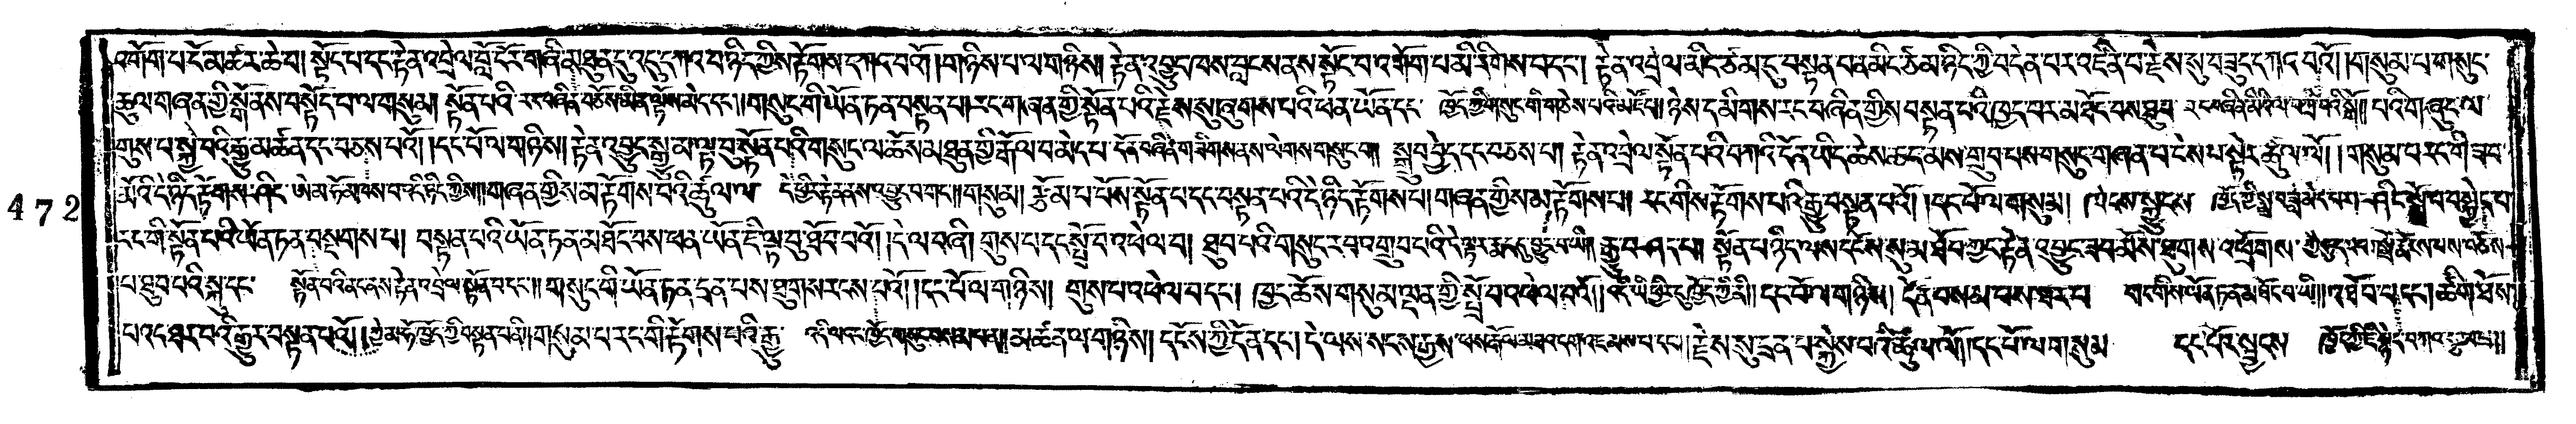འགོག་པ་ངོ་མཚར་ཆེ་བ། སྟོང་པ་དང་རྟེན་འབྲེལ་བློ་ངོར་གཞི་མཐུན་དུ་འདུ་དཀའ་བ་ཉིད་ཀྱིས་རྟོགས་དཀའ་བའོ། །གཉིས་པ་ལ་གཉིས། རྟེན་འབྱུང་ཁས་བླངས་ནས་སྟོང་བ་འགོག་པ་མི་རིགས་པ་དང་། རྟེན་འབྲེལ་མིང་ཙམ་དུ་བསྟན་པ་ན་མིང་ཙམ་ཉིད་ཀྱི་བདེན་བར་འཛིན་བ་རྗེས་སུ་བཟུང་དཀའ་བའོ། །གསུམ་པ་གསུང་
ཆུལ་གཞན་གྱི་སྒོ་ནས་བསྟོད་བ་ལ་གསུམ། སྟོན་པའི་རང་བཞིན་བཅོས་མིན་ལྟོས་མེད་དང་།  །གསུང་གི་ཡོན་ཏན་བསྟན་པ། རང་གཞན་གྱི་སྟོན་པའི་རྗེས་སུ་ཞུགས་པའི་ཕན་ཡོན་དང་ཁྱོད་ཀྱི་གསུང་གི་གཅེས་པའི་མཛོད།  །ཉེས་དམིགས་རང་བཞིན་གྱིས་བསྟན་པའི་ཁྱད་པར་མཐོང་བས་ཐུབ་རང་བཞིན་མེད་ལ་བཀྲི་བའི་སྒོ།  །པའི་གཞུང་ལ་
གུས་པ་སྐྱེ་བའི་རྒྱུ་མཚན་དང་བཅས་པའོ། །དང་པོ་ལ་གཉིས། རྟེན་འབྱུང་སྒྱུ་མ་ལྟ་བུ་སྟོན་པའི་གསུང་ལ་ཆོས་མཐུན་གྱི་རྒོལ་བ་མེད་པ་དོན་བཞིན་གཟིགས་ནས་ལེགས་གསུང་བ།།  སྒྲུབ་བྱེད་དང་བཅས་པ། རྟེན་འབྲེལ་སྟོན་པའི་བཀའི་དོན་ཡིད་ཆེས་ཚད་མས་གྲུབ་པས་གསུང་གཞན་པ་ངེས་བ་སྟེར་ཚུལ་ལོ། །གསུམ་པ་རང་གི་ཟབ་
མོའི་དེ་ཉིད་རྟོགས་ཤིང་ཨེ་མ་ཧོ་མཁས་པ་འདི་ཉིད་ཀྱིས།  །གཞན་གྱིས་མ་རྟོགས་བའི་ཚུལ་ལ་དེ་ཕྱིར་རྟེན་ནས་འབྱུང་བ་གང་།  །གསུམ། རྩོམ་པ་པོས་སྟོན་པ་དང་བསྟན་པའི་དེ་ཉིད་རྟོགས་པ། གཞན་གྱིས་མ་རྟོགས་པ། རང་གིས་རྟོགས་པའི་རྒྱུ་བསྟན་པའོ། །དང་པོ་ལ་གསུམ། ཁེངས་སྐྱུངས་ཁྱོད་ཀྱི་སྒྲ་བཟླ་མེད་པར།  ཤིད་སྤྲོ་བ་བསྐྱེད་བ་
རང་གི་སྟོན་པའི་ཡོན་ཏན་བསྔགས་པ། བསྟན་པའི་ཡོན་ཏན་མཐོང་བས་ཕན་ཡོན་ཇི་ལྟ་བུ་ཐོབ་པའོ། །དེ་ལ་བཞི། གུས་པ་དང་སྤྲོ་བ་འཕེལ་བ། ཐུབ་པའི་གསུང་རབ་འགྲུབ་པའི་དེ་ལྟར་རྨད་དུ་བྱུང་བ་ཡི།།  རྒྱུ་བཤད་པ། སྟོན་པ་ཉིད་ལས་དངོས་སུ་མ་ཐོབ་ཀྱང་རྟེན་འབྱུང་ཟབ་མོས་ཐུགས་འཕྲོགས་ཀྱེ་ཏུ་དབང་བསླེ་?་རྨོངས་པས་ཚོག་?་
པ་ཐུབ་པའི་སྐུ་དང་སྟོན་པའི་ནང་ནས་རྟེན་འབྲེལ་སྟོན་པ་དང་།  །གསུང་གི་ཡོན་ཏན་དྲན་པས་ཐུགས་རངས་པའོ། །དང་པོ་ལ་གཉིས། གུས་པ་འཕེལ་བ་དང་། ཁྱད་ཆོས་གསུམ་ལྡན་གྱི་སྤྲོ་?་?་?་བ་འཕེལ་བའོ། །འདི་ཡི་ཕྱིར་དུ་ཁྱོད་ཀྱི་ནི།།  དང་པོ་ལ་འཐོབ་པ་དང་། ཚིག་ཐོས་འཐོབ་པ་དང་། ཚིག་ཐོས་
པའང་ཐར་བའི་རྒྱུར་བསྟན་པའོ། །ཀྱེ་མ་ཧོ་ཁྱོད་ཀྱི་བསྟན་བ་ནི།།  གསུམ་པ་རང་གི་རྟོགས་པའི་རྒྱུ་འདི་ལའང་ཁྱོད་གསུང་བསམ་པ་ན།།  མཚན་ལ་གཉིས། དངོས་ཀྱི་དོན་དང་། དེ་ལས་སངས་རྒྱས་ཕས་རྒོལ་མཐའ་དག་?་འཇམས་བ་དང་།  །རྗེས་སུ་དྲན་པ་སྐྱེས་བའི་ཚུལ་ལོ། །དང་པོ་ལ་གསུམ་དང་པོར་སྦྱངས་ཁྱོད་ཀྱི་ཇི་སྙེད་བཀའ་སྩལ་པ།།